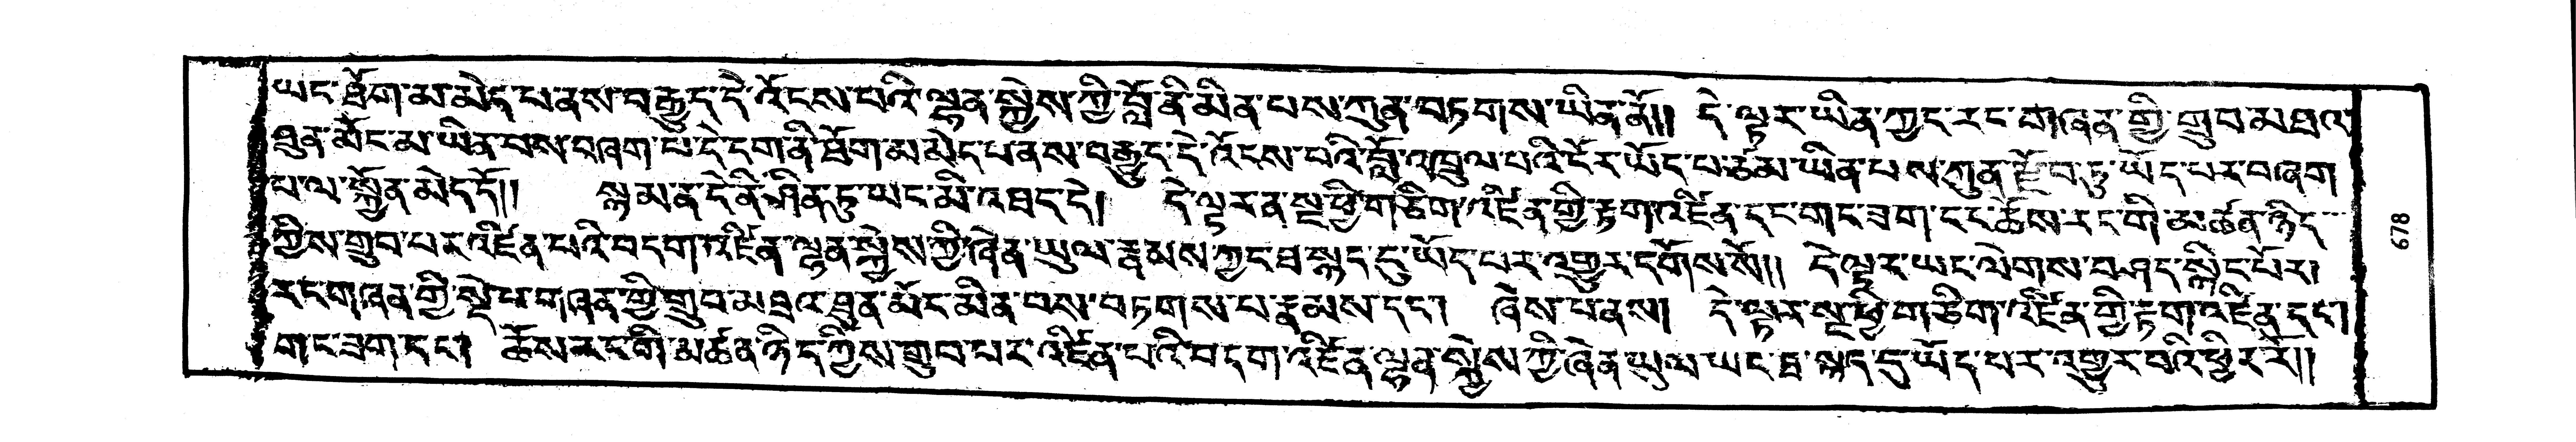ཡང་ཐོག་མ་མེད་པ་ནས་བརྒྱུད་དེ་འོངས་པའི་ལྷན་སྐྱེས་ཀྱི་བློ་ནི་མིན་པས་ཀུན་བཏགས་ཡིན་ནོ། །དེ་ལྟར་ཡིན་ཀྱང་རང་གཞན་གྱི་གྲུབ་མཐའ་
ཐུན་མོང་མ་ཡིན་པས་བཞག་པ་དེ་དག་ནི་ཐོག་མ་མེད་པ་ནས་བརྒྱུད་དེ་འོངས་པའི་བློ་འཁྲུལ་པའི་ངོར་ཡོད་པ་ཙམ་ཡིན་པས་ཀུན་རྫོབ་ཏུ་ཡོད་པར་བཞག་
པ་ལ་སྐྱོན་མེད་དོ། །སྙམ་ན་དེ་ནི་ཤིན་ཏུ་ཡང་མི་འཐད་དེ། དེ་ལྟར་ན་སྔ་ཕྱི་གཅིག་འཛིན་གྱི་རྟག་འཛིན་དང་གང་ཟག་དང་ཆོས་རང་གི་མཚན་ཉིད་
ཀྱིས་གྲུབ་པར་འཛིན་པའི་བདག་འཛིན་ལྷན་སྐྱེས་ཀྱི་ཞེན་ཡུལ་རྣམས་ཀྱང་ཐ་སྙད་དུ་ཡོད་པར་འགྱུར་དགོས་སོ། །དེ་ལྟར་ཡང་ལེགས་བཤད་སྙིང་པོར།
རང་གཞན་གྱི་སྡེ་པ་གཞན་གྱི་གྲུབ་མཐའ་ཐུན་མོང་མིན་པས་བཏགས་པ་རྣམས་དང་། ཞེས་པ་ནས། དེ་ལྟར་སྔ་ཕྱི་གཅིག་འཛིན་གྱི་རྟགས་འཛིན་དང་།
གང་ཟག་དང་། ཆོས་རང་གི་མཚན་ཉིད་ཀྱིས་གྲུབ་པར་འཛིན་པའི་བདག་འཛིན་ལྷན་སྐྱེས་ཀྱི་ཞེན་ཡུལ་ཡང་ཐ་སྙད་དུ་ཡོད་པར་འགྱུར་བའི་ཕྱིར་རོ། །